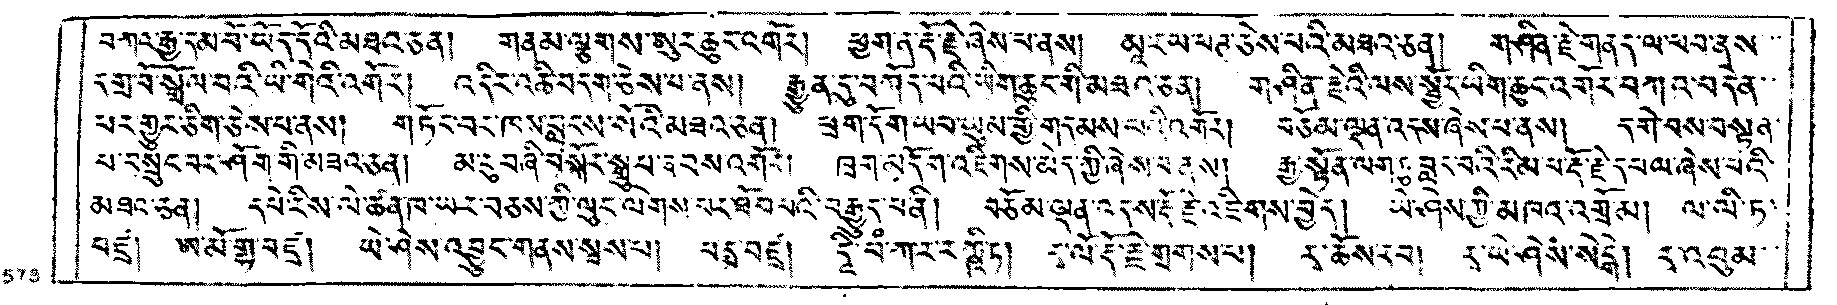བཀའ་རྒྱ་དམ་པོ་ཡོད་དོའི་མཐའ་ཅན། གནམ་ལྕགས་ཨུར་ཆུང་འགོར། ཕྱག་ན་རྡོ་རྗེ་ཞེས་པ་ནས། མཱ་ར་ཡ་ཕཊ་ཅེས་པའི་མཐའ་ཅན། གཤིན་རྗེ་གནད་ལ་ཕབ་ནས་
དགྲ་བོ་སྒྲོལ་བའི་ཡི་གེའི་འགོར། འདིར་འཆི་བདག་ཅེས་པ་ནས། རྒྱུན་དུ་བཀོད་པའི་ཡིག་ཆུང་གི་མཐའ་ཅན། གཤིན་རྗེའི་ལས་སྦྱོར་ཡིག་ཆུང་འགོར་བཀའ་བདེན་
པར་གྱུར་ཅིག་ཅེས་པ་ནས། གཏོང་བར་ཁས་བླངས་སོའི་མཐའ་ཅན། ཕྲག་དོག་ཡབ་ཡུམ་གྱི་གདམས་པའི་འགོར། བཅོམ་ལྡན་འདས་ཞེས་པ་ནས། དགེ་བས་བསྟན་
པ་བསྲུང་བར་ཤོག་གི་མཐའ་ཅན། མ་རུ་བཞི་བསྐོར་སྒྲུབ་ཐབས་འགོར། ཁྲག་མདོག་འཇིགས་མེད་ཀྱི་ཞེས་པ་ནས། རྒྱ་སྟོན་ལག་ཏུ་བླང་བའི་རིམ་པ་རྡོ་རྗེ་དཔལ་ཞེས་པའི་
མཐའ་ཅན། དཔེ་རིས་ལེ་ཚན་ཁ་ཡར་བཅས་ཀྱི་ལུང་ལེགས་པར་ཐོབ་པའི་བརྒྱུད་པ་ནི། བཅོམ་ལྡན་འདས་རྡོ་རྗེ་འཇིགས་བྱེད། ཡེ་ཤེས་ཀྱི་མཁའ་འགྲོ་མ། ལ་ལི་ཏ་
བཛྲ། ཨ་མོ་གྷ་བཛྲ། ཡེ་ཤེས་འབྱུང་གནས་སྦས་པ། པདམ་བཛྲ། དཱི་པཾ་ཀ་ར་ར་ཀྵི་ཏ། རྭ་ལོ་རྡོ་རྗེ་གྲགས་པ། རྭ་ཆོས་རབ། རྭ་ཡེ་ཤེས་སེངྒེ། རྭ་འབུམ་